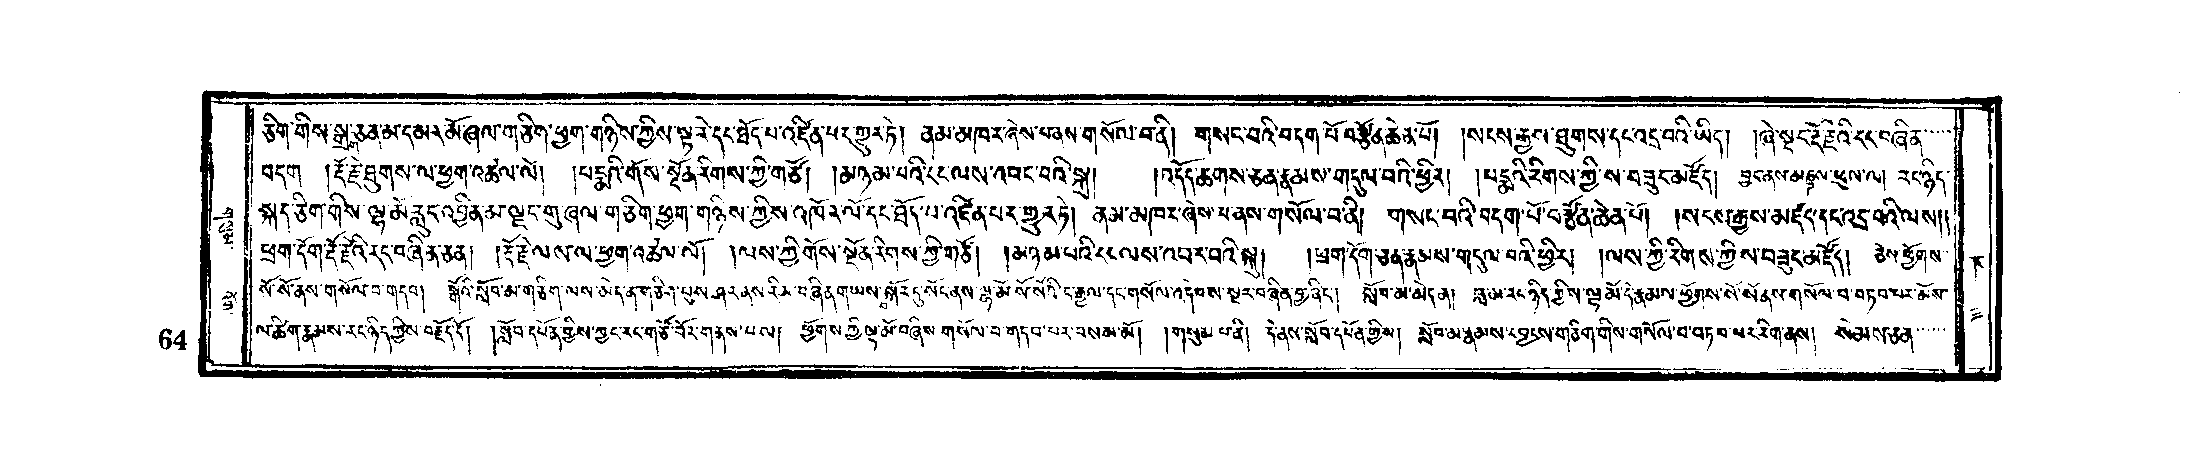ཅིག་གིས་སྒྲག་ཅན་མ་དམར་མོ་ཞལ་གཅིག་ཕྱག་གཉིས་ཀྱིས་སྟ་རེ་དང་ཐོད་པ་འཛིན་པར་གྱུར་ཏེ། ནམ་མཁར་ཞེས་པ་ནས་གསོལ་བ་ནི། གསང་བའི་བདག་པོ་བརྩོན་ཆེན་པོ། །སངས་རྒྱས་ཐུགས་དང་འདྲ་བའི་ཡིད། །ཞེ་སྡང་རྡོ་རྗེའི་རང་བཞིན་
བདག །རྡོ་རྗེ་ཐུགས་ལ་ཕྱག་འཚལ་ལོ། །པདམའི་གོས་སྔོན་རིགས་ཀྱི་གཙོ། །མཉམ་པའི་ངང་ལས་འབང་བའི་སྐྲ། །འདོད་ཆགས་ཅན་རྣམས་གདུལ་བའི་ཕྱིར། །པདམའི་རིགས་ཀྱི་ས་བཟུང་མཛོད། བྱང་ནས་མཎྜལ་ཕུལ་ལ། རང་ཉིད་
སྐད་ཅིག་གིས་ལྷ་མོ་རླུང་འབྱིན་མ་ལྗང་གུ་ཞལ་གཅིག་ཕྱག་གཉིས་ཀྱིས་འཁོར་ལོ་དང་ཐོད་པ་འཛིན་པར་གྱུར་ཏེ། ནམ་མཁར་ཞེས་པ་ནས་གསོལ་བ་ནི། གསང་བའི་བདག་པོ་བརྩོན་ཆེན་པོ། །སངས་རྒྱས་མཛད་དང་འདྲ་བའི་ལས། །
ཕྲག་དོག་རྡོ་རྗེའི་རང་བཞིན་ཅན། །རྡོ་རྗེ་ལས་ལ་ཕྱག་འཚལ་ལོ། །ལས་ཀྱི་གོས་སྔོན་རིགས་ཀྱི་གཙོ། །མཉམ་པའི་ངང་ལས་འབར་བའི་སྐུ། །ཕྲག་དོག་ཅན་རྣམས་གདུལ་བའི་ཕྱིར། །ལས་ཀྱི་རིགས་ཀྱིས་བཟུང་མཛོད། ཅེས་ཕྱོགས་
སོ་སོ་ནས་གསོལ་བ་གདབ། སྒོའི་སློབ་མ་གཅིག་ལས་མེད་ན་གཅིག་པུས་ཤར་ནས་རིམ་བཞིན་གཡས་བསྐོར་དུ་སོང་ནས་ལྷ་མོ་སོ་སོའི་ང་རྒྱལ་དང་གསོལ་འདེབས་སྔར་བཞིན་བྱ་ཞིང་། སློབ་མ་མེད་ན། བླ་མ་རང་ཉིད་ཀྱིས་ལྷ་མོ་དེ་རྣམས་ཕྱོགས་སོ་སོ་ནས་གསོལ་བ་བཏབ་པར་མོས་
ལ་ཚིག་རྣམས་རང་ཉིད་ཀྱིས་བརྗོད་དོ། །སློབ་དཔོན་གྱིས་ཀྱང་རང་གཙོ་བོར་གནས་པ་ལ། ཕྱོགས་ཀྱི་ལྷ་མོ་བཞིས་གསོལ་བ་གདབ་པར་བསམ་མོ། །གསུམ་པ་ནི། དེ་ནས་སློབ་དཔོན་གྱིས། སློབ་མ་རྣམས་དབྱངས་གཅིག་གིས་གསོལ་བ་བཏབ་པར་རིག་ནས། སེམས་ཅན་